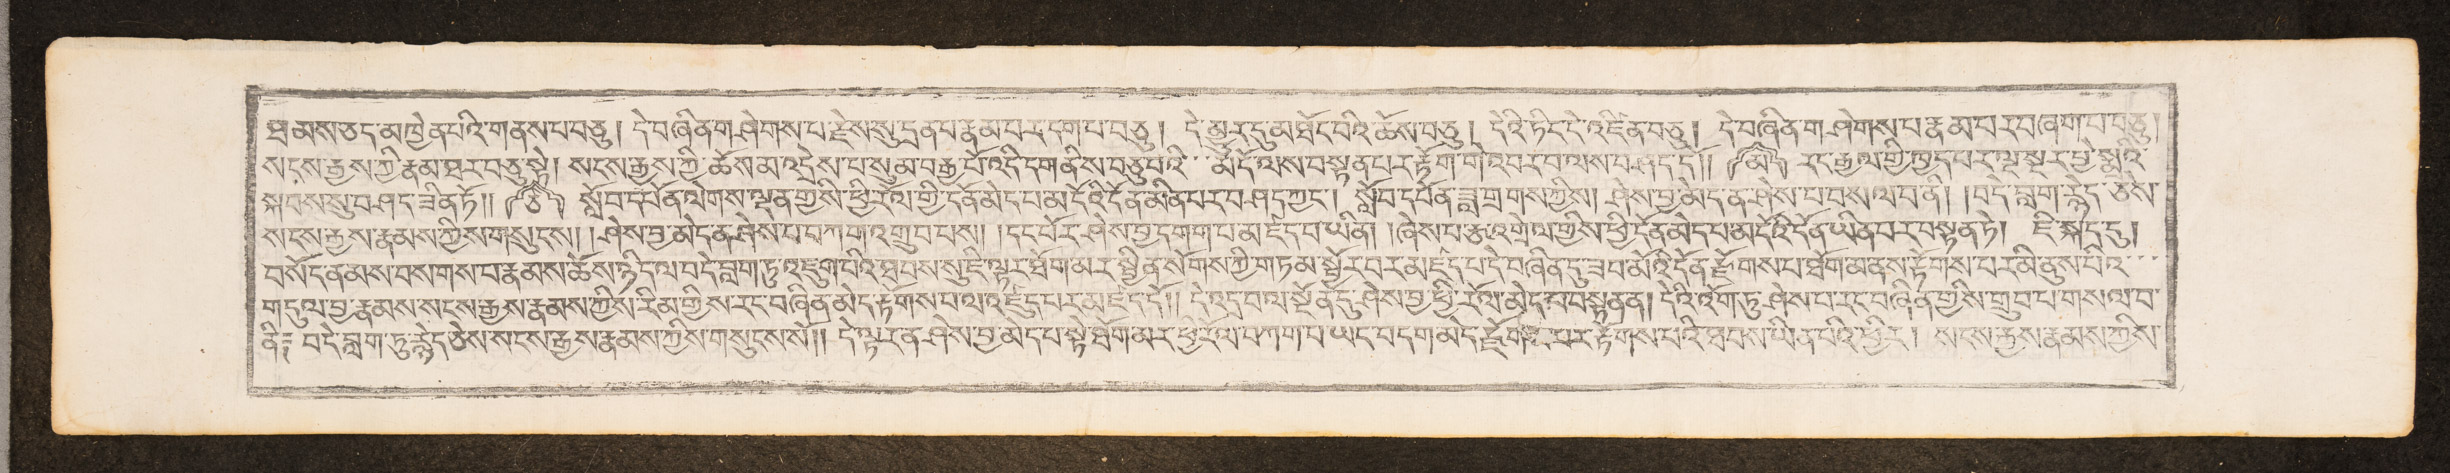ཐམས་ཅད་མཁྱེན་པའི་གནས་པ་བཅུ། དེ་བཞིན་གཤེགས་པ་རྗེས་སུ་དྲན་པ་རྣམ་པར་དག་པ་བཅུ། དེ་མྱུར་དུ་མཐོང་བའི་ཆོས་བཅུ། དེའི་ཏིང་ངེ་འཛིན་བཅུ། དེ་བཞིན་གཤེགས་པ་རྣམ་པར་བཞག་པ་བཅུ།
སངས་རྒྱས་ཀྱི་རྣམ་ཐར་བཅུ་སྟེ། སངས་རྒྱས་ཀྱི་ཆོས་མ་འདྲེས་པ་སུམ་བརྒྱ་པོ་འདི་དག་ནིས་བཅུ་པའི་མདོ་ལས་བསྟན་པར་རྟོག་གེ་འབར་བ་ལས་བཤད་དོ།། ༼༽མ༼༽ རང་རྒྱལ་གྱི་ཁྱད་པར་ལྔ་སྔར་བྱེ་སྨྲའི་
སྐབས་སུ་བཤད་ཟིན་ཏོ།། ༼༽ཙ༼༽ སློབ་དབོན་ལེགས་ལྡན་གྱིས་ཕྱི་རོལ་གྱི་དོན་མེད་པ་མདོའི་དོན་མིན་པར་བཤད་ཀྱང་། སློབ་དཔོན་ཟླ་གྲགས་ཀྱིས། ཤེས་བྱ་མེད་ན་ཤེས་པ་བསལ་བ་ནི། །བདེ་བླག་རྙེད་ཅེས་
སངས་རྒྱས་རྣམས་ཀྱིས་གསུངས། །ཤེས་བྱ་མེད་ན་ཤེས་པ་བཀག་འགྲུབ་པས། །དང་པོར་ཤེས་བྱ་དགག་པ་མཛད་པ་ཡིན། །ཞེས་པ་རྩ་འགྲེལ་གྱིས་ཕྱི་དོན་མེད་པ་མདོའི་དོན་ཡིན་པར་བསྟན་ཏེ། ཇི་སྐད་དུ།
བསོད་ནམས་བསགས་པ་རྣམས་ཆོས་ཉིད་ལ་བདེ་བླག་ཏུ་འཇུག་པའི་ཐབས་སུ་ཇི་ལྟར་ཐོག་མར་སྦྱིན་སོགས་ཀྱི་གཏམ་སྦྱོར་བར་མཛད་པ་དེ་བཞིན་དུ་ཟབ་མོའི་དོན་རྫོགས་པ་ཐོག་མ་ནས་རྟོགས་པར་མི་ནུས་པའི་
གདུལ་བྱ་རྣམས་སངས་རྒྱས་རྣམས་ཀྱིས་རིམ་གྱིས་རང་བཞིན་མེད་རྟོགས་པ་ལ་འཛུད་པར་མཛད་དོ། །དེ་འདྲ་བ་ལ་སྔོན་དུ་ཤེས་བྱ་ཕྱི་རོལ་མེད་པ་བསྟན་ན། དེའི་འོག་ཏུ་ཤེས་པ་རང་བཞིན་གྱིས་གྲུབ་པ་གསལ་བ་
ནི༑ བདེ་བླག་ཏུ་རྙེད་ཅེས་སངས་རྒྱས་རྣམས་ཀྱིས་གསུངས་སོ།། དེ་ལྟར་ན་ཤེས་བྱ་མེད་པ་སྟེ་ཐོག་མར་ཕྱི་རོལ་བཀག་པ་ཡང་བདག་མེད་རྫོགས་པར་རྟོགས་པའི་ཐབས་ཡིན་པའི་ཕྱིར། སངས་རྒྱས་རྣམས་ཀྱིས་